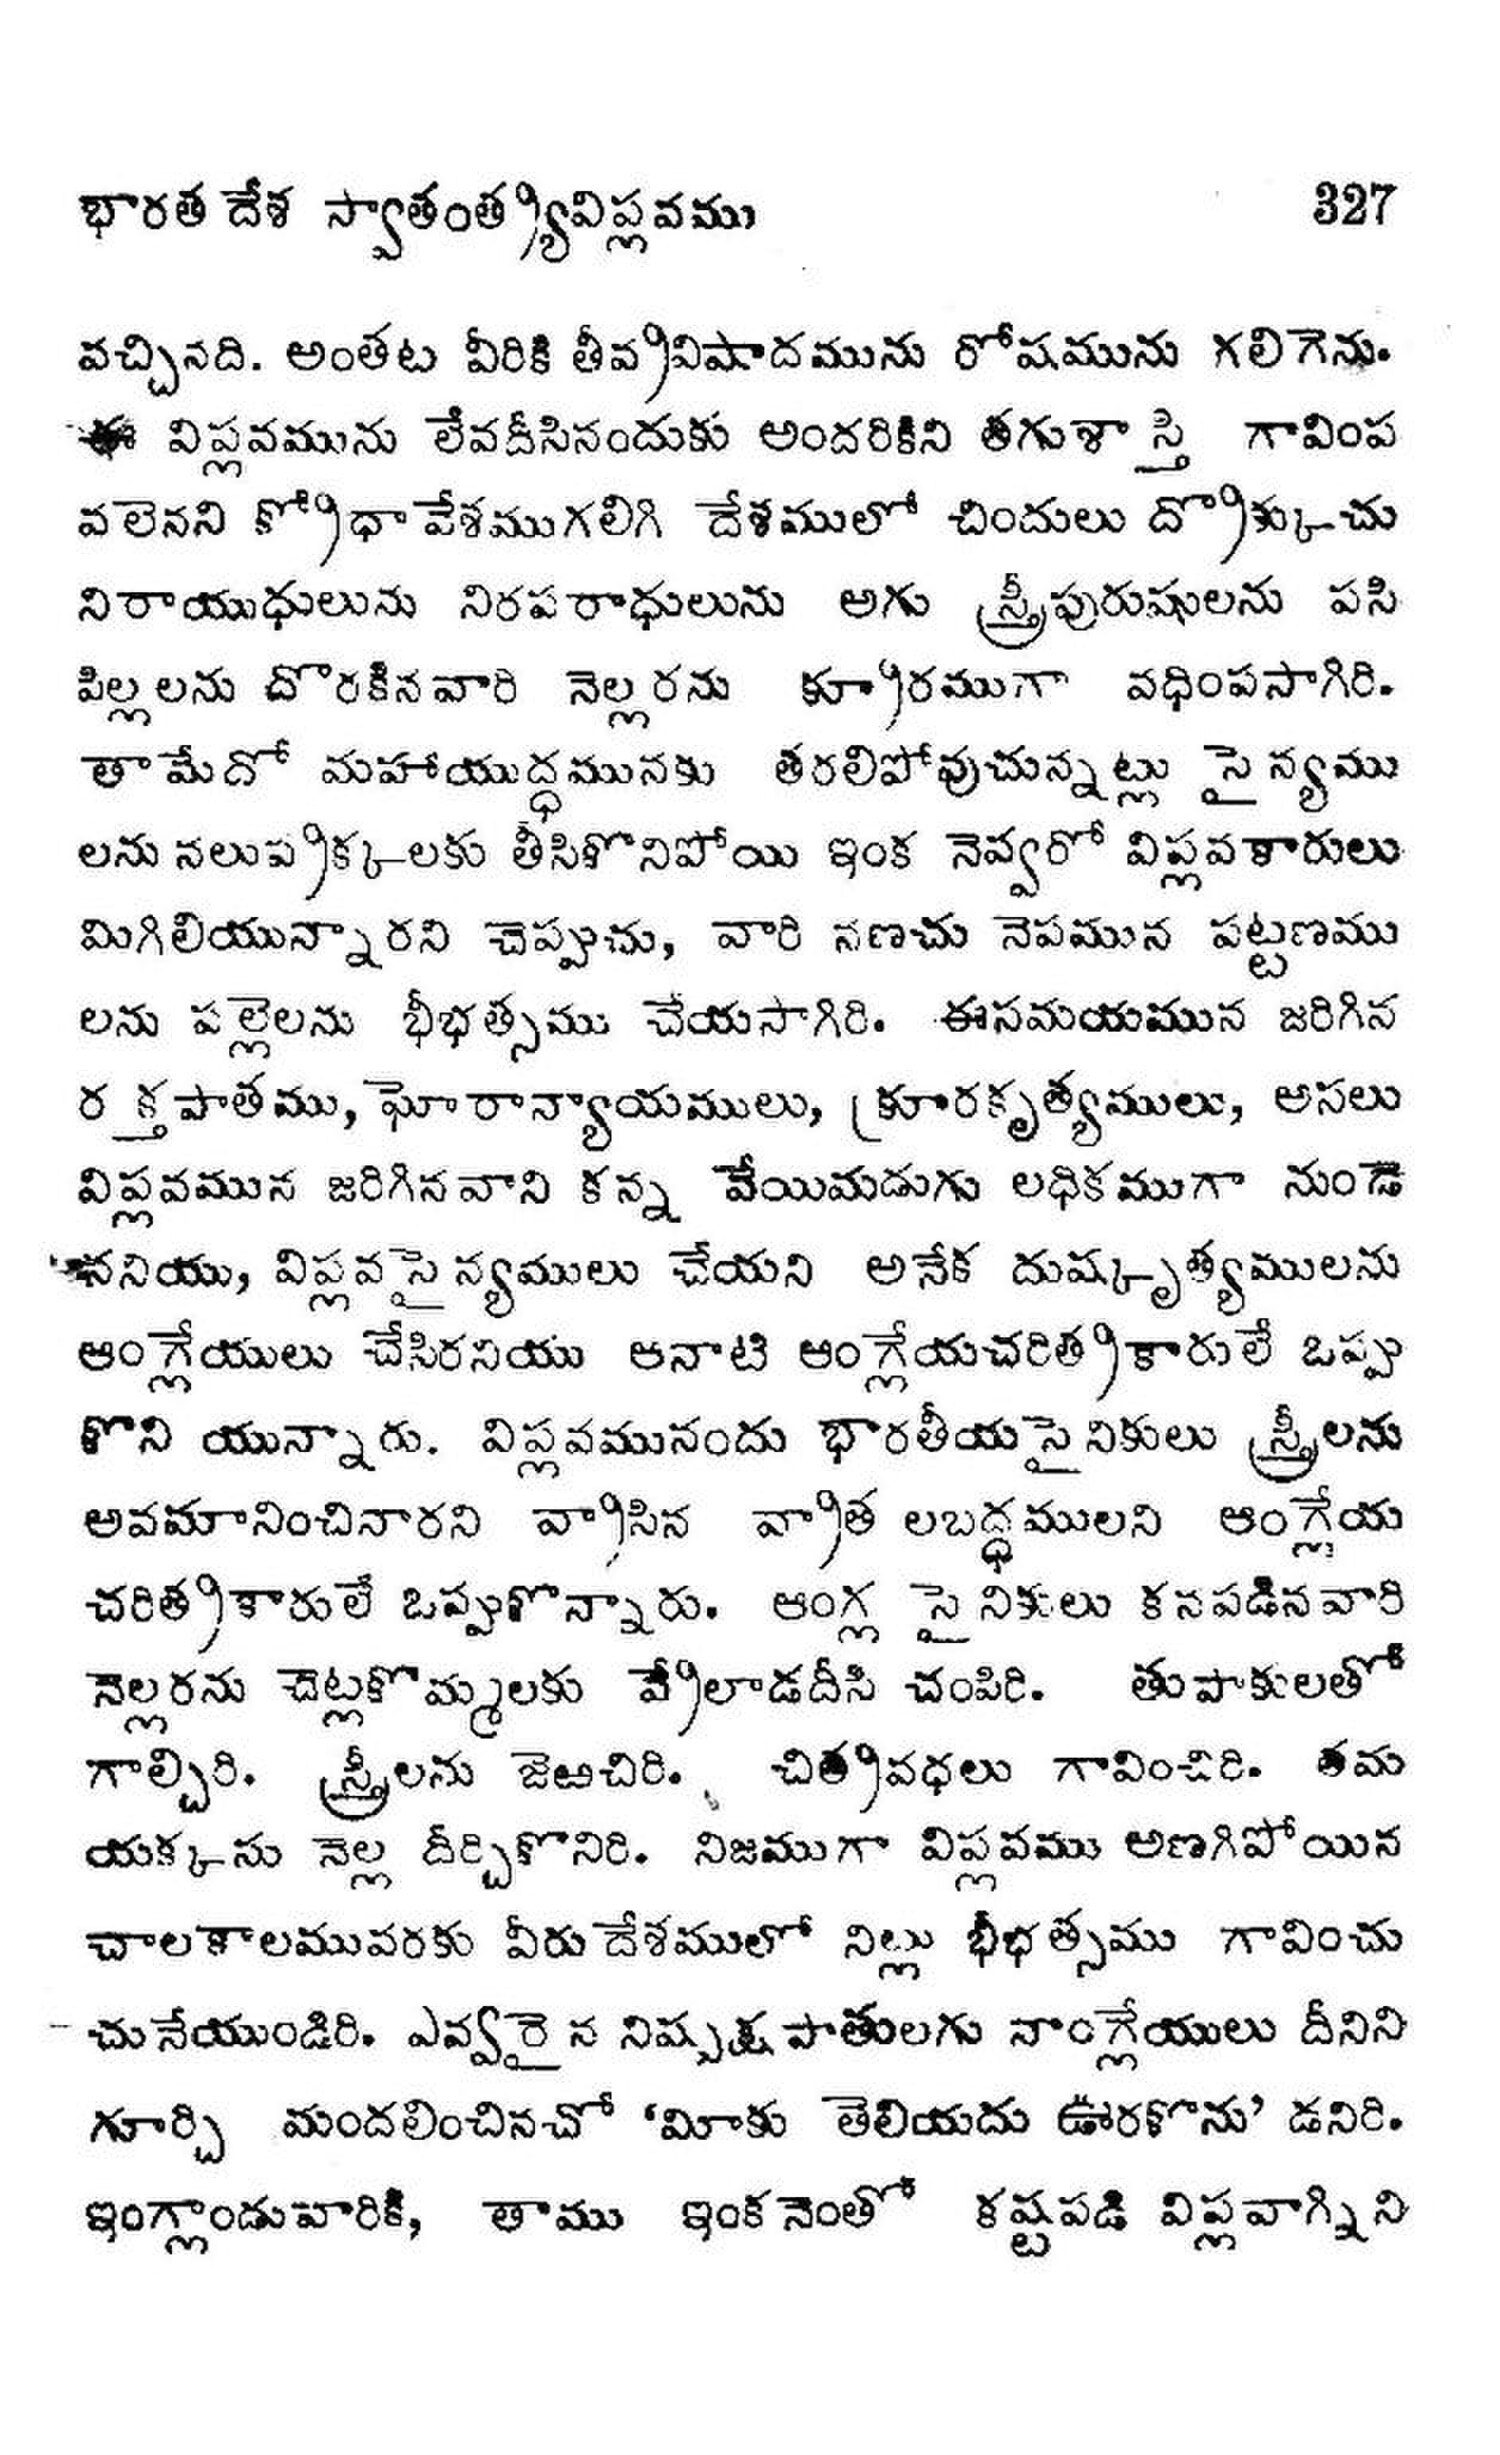వచ్చినది. అంతట వీరికి తీవ్రవిషాదమును రోషమును గలిగెను. ఈ విప్లవమును లేవదీసినందుకు అందరికిని తగుశాస్తి గావింపవలెనని క్రోధావేశముగలిగి దేశములో చిందులు ద్రొక్కుచు నిరాయుధులును నిరపరాధులును అగు స్త్రీపురుషులను పసిపిల్లలను దొరకినవారి నెల్లరను క్రూరముగా వధింపసాగిరి. తామేదో మహాయుద్ధమునకు తరలిపోవుచున్నట్లు సైన్యములను నలుప్రక్కలకు తీసికొనిపోయి ఇంక నెవ్వరో విప్లవకారులు మిగిలియున్నారని చెప్పుచు, వారి నణచు నెపమున పట్టణములను పల్లెలను భీభత్సము చేయసాగిరి. ఈసమయమున జరిగిన రక్తపాతము, ఘోరాన్యాయములు, క్రూరకృత్యములు, అసలు విప్లవమున జరిగినవాని కన్న వేయిమడుగు లధికముగా నుండెననియు, విప్లవసైన్యములు చేయని అనేక దుష్కృత్యములను ఆంగ్లేయులు చేసిరనియు ఆనాటి ఆంగ్లేయచరిత్ర కారులే ఒప్పుకొని యున్నారు. విప్లవమునందు భారతీయ సైనికులు స్త్రీలను అవమానించినారని వ్రాసిన వ్రాత లబద్దములని ఆంగ్లేయచరిత్రకారులే ఒప్పుకొన్నారు. ఆంగ్ల సైనికులు కనపడినవారి నెల్లరను చెట్లకొమ్మలకు వ్రేలాడదీసి చంపిరి. తుపాకులతో గాల్చిరి. స్త్రీలను జెఱచిరి., చిత్రవధలు గావించిరి. తమ యక్కసు నెల్ల దీర్పికొనిరి. నిజముగా విప్లవము అణగిపోయిన చాలకాలమువరకు వీరుదేశములో నిట్లు భీభత్సము గావించుచునేయుండిరి. ఎవ్వరైన నిష్పక్షపాతులగు నాంగ్లేయులు దీనినిగూర్చి మందలించినచో 'మీకు తెలియదు ఊరకొను' డనిరి. ఇంగ్లాండువారికి, తాము ఇంకనెంతో కష్టపడి విప్లవాగ్నిని